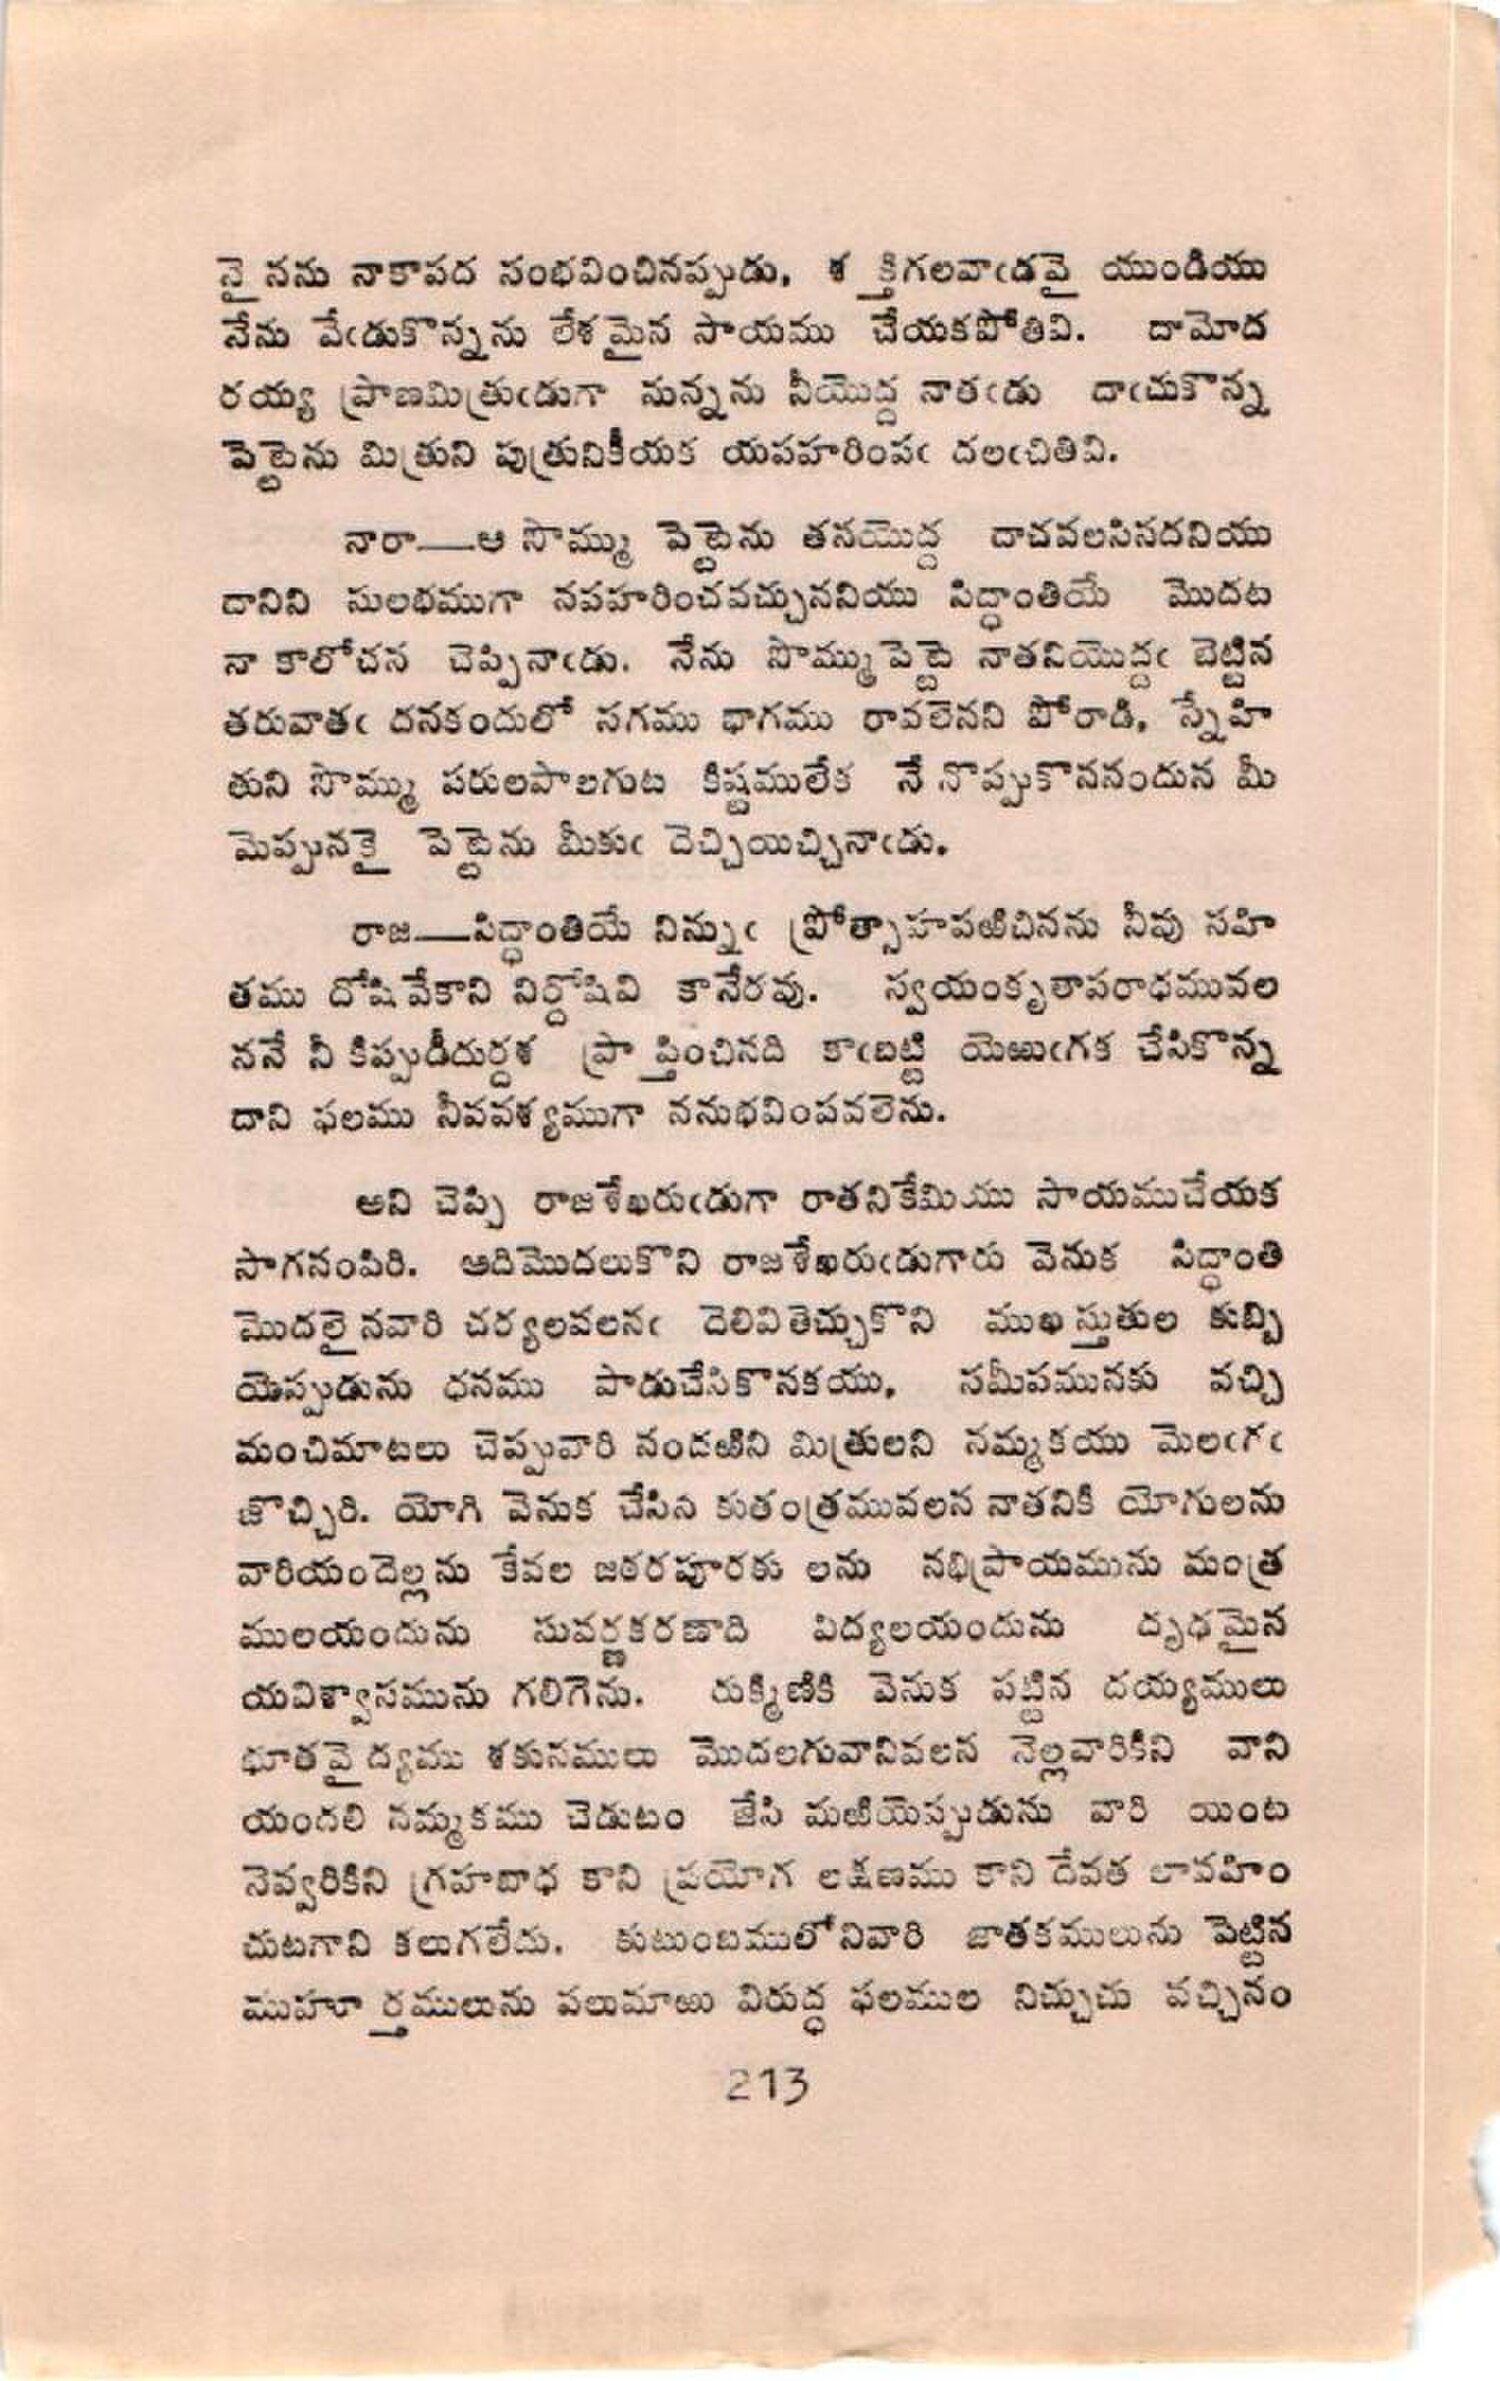నైనను నాకాపద సంభవించినప్పుడు, శక్తిగలవాఁడవై యుండియు నేను వేడుకొన్నను లేశమైన సాయము చేయకపోతివి. దామోదరయ్య ప్రాణమిత్రుఁడుగా నున్నను నీయొద్ద నాతఁడు దాఁచుకొన్న పెట్టెను మిత్రుని పుత్రునికీయక యపహరింపఁ దలఁచితివి.

నారా__ఆ సొమ్ము పెట్టెను తనయొద్ద దాచవలసినదనియు దానిని సులభముగా నపహరించవచ్చుననియు సిద్ధాంతియే మొదట నా కాలోచన చెప్పినాఁడు. నేను సొమ్ముపెట్టె నాతనియొద్దఁ బెట్టిన తరువాతఁ దనకందులో సగము భాగము రావలెనని పోరాడి, స్నేహితుని సొమ్ము పరులపాలగుట కిష్టములేక నే నొప్పుకొననందున మీ మెప్పునకై పెట్టెను మీకు దెచ్చియిచ్చినాఁడు.

రాజ__సిద్ధాంతియే నిన్నుఁ ప్రోత్సాహపఱచినను నీవు సహితము దోషివేకాని నిర్దోషివి కానేరవు. స్వయంకృతాపరాధమువల ననే నీ కిప్పుడీదుర్దశ ప్రాప్తించినది కాబట్టి యెఱుఁగక చేసికొన్న దాని ఫలము నీవవశ్యముగా ననుభవింపవలెను.

అని చెప్పి రాజశేఖరుఁడుగా రాతనికేమియు సాయముచేయక సాగనంపిరి. అదిమొదలుకొని రాజశేఖరుడుగారు వెనుక సిద్ధాంతి మొదలైనవారి చర్యలవలనఁ దెలివితెచ్చుకొని ముఖ స్తుతుల కుబ్బి యెప్పుడును ధనము పాడుచేసికొనకయు, సమీపమునకు వచ్చి మంచిమాటలు చెప్పువారి నందఱిని మిత్రులని నమ్మకయు మెలగ జొచ్చిరి. యోగి వెనుక చేసిన కుతంత్రమువలన నాతనికి యోగులను వారియందెల్లను కేవల జఠరపూరకు లను నభిప్రాయమును మంత్రములయందును సువర్ణకరణాది విద్యలయందును దృఢమైన యవిశ్వాసమును గలిగెను. రుక్మిణికి వెనుక పట్టిన దయ్యములు భూతవైద్యము శకునములు మొదలగువానివలన నెల్లవారికిని వాని యందలి నమ్మకము చెడుటం జేసి మఱియెప్పుడును వారి యింట నెవ్వరికిని గ్రహబాధ కాని ప్రయోగ లక్షణము కాని దేవత లావహిం చుటగాని కలుగలేదు. కుటుంబములోనివారి జాతకములును పెట్టిన ముహూర్తములును పలుమాఱు విరుద్ధ ఫలముల నిచ్చుచు వచ్చినం